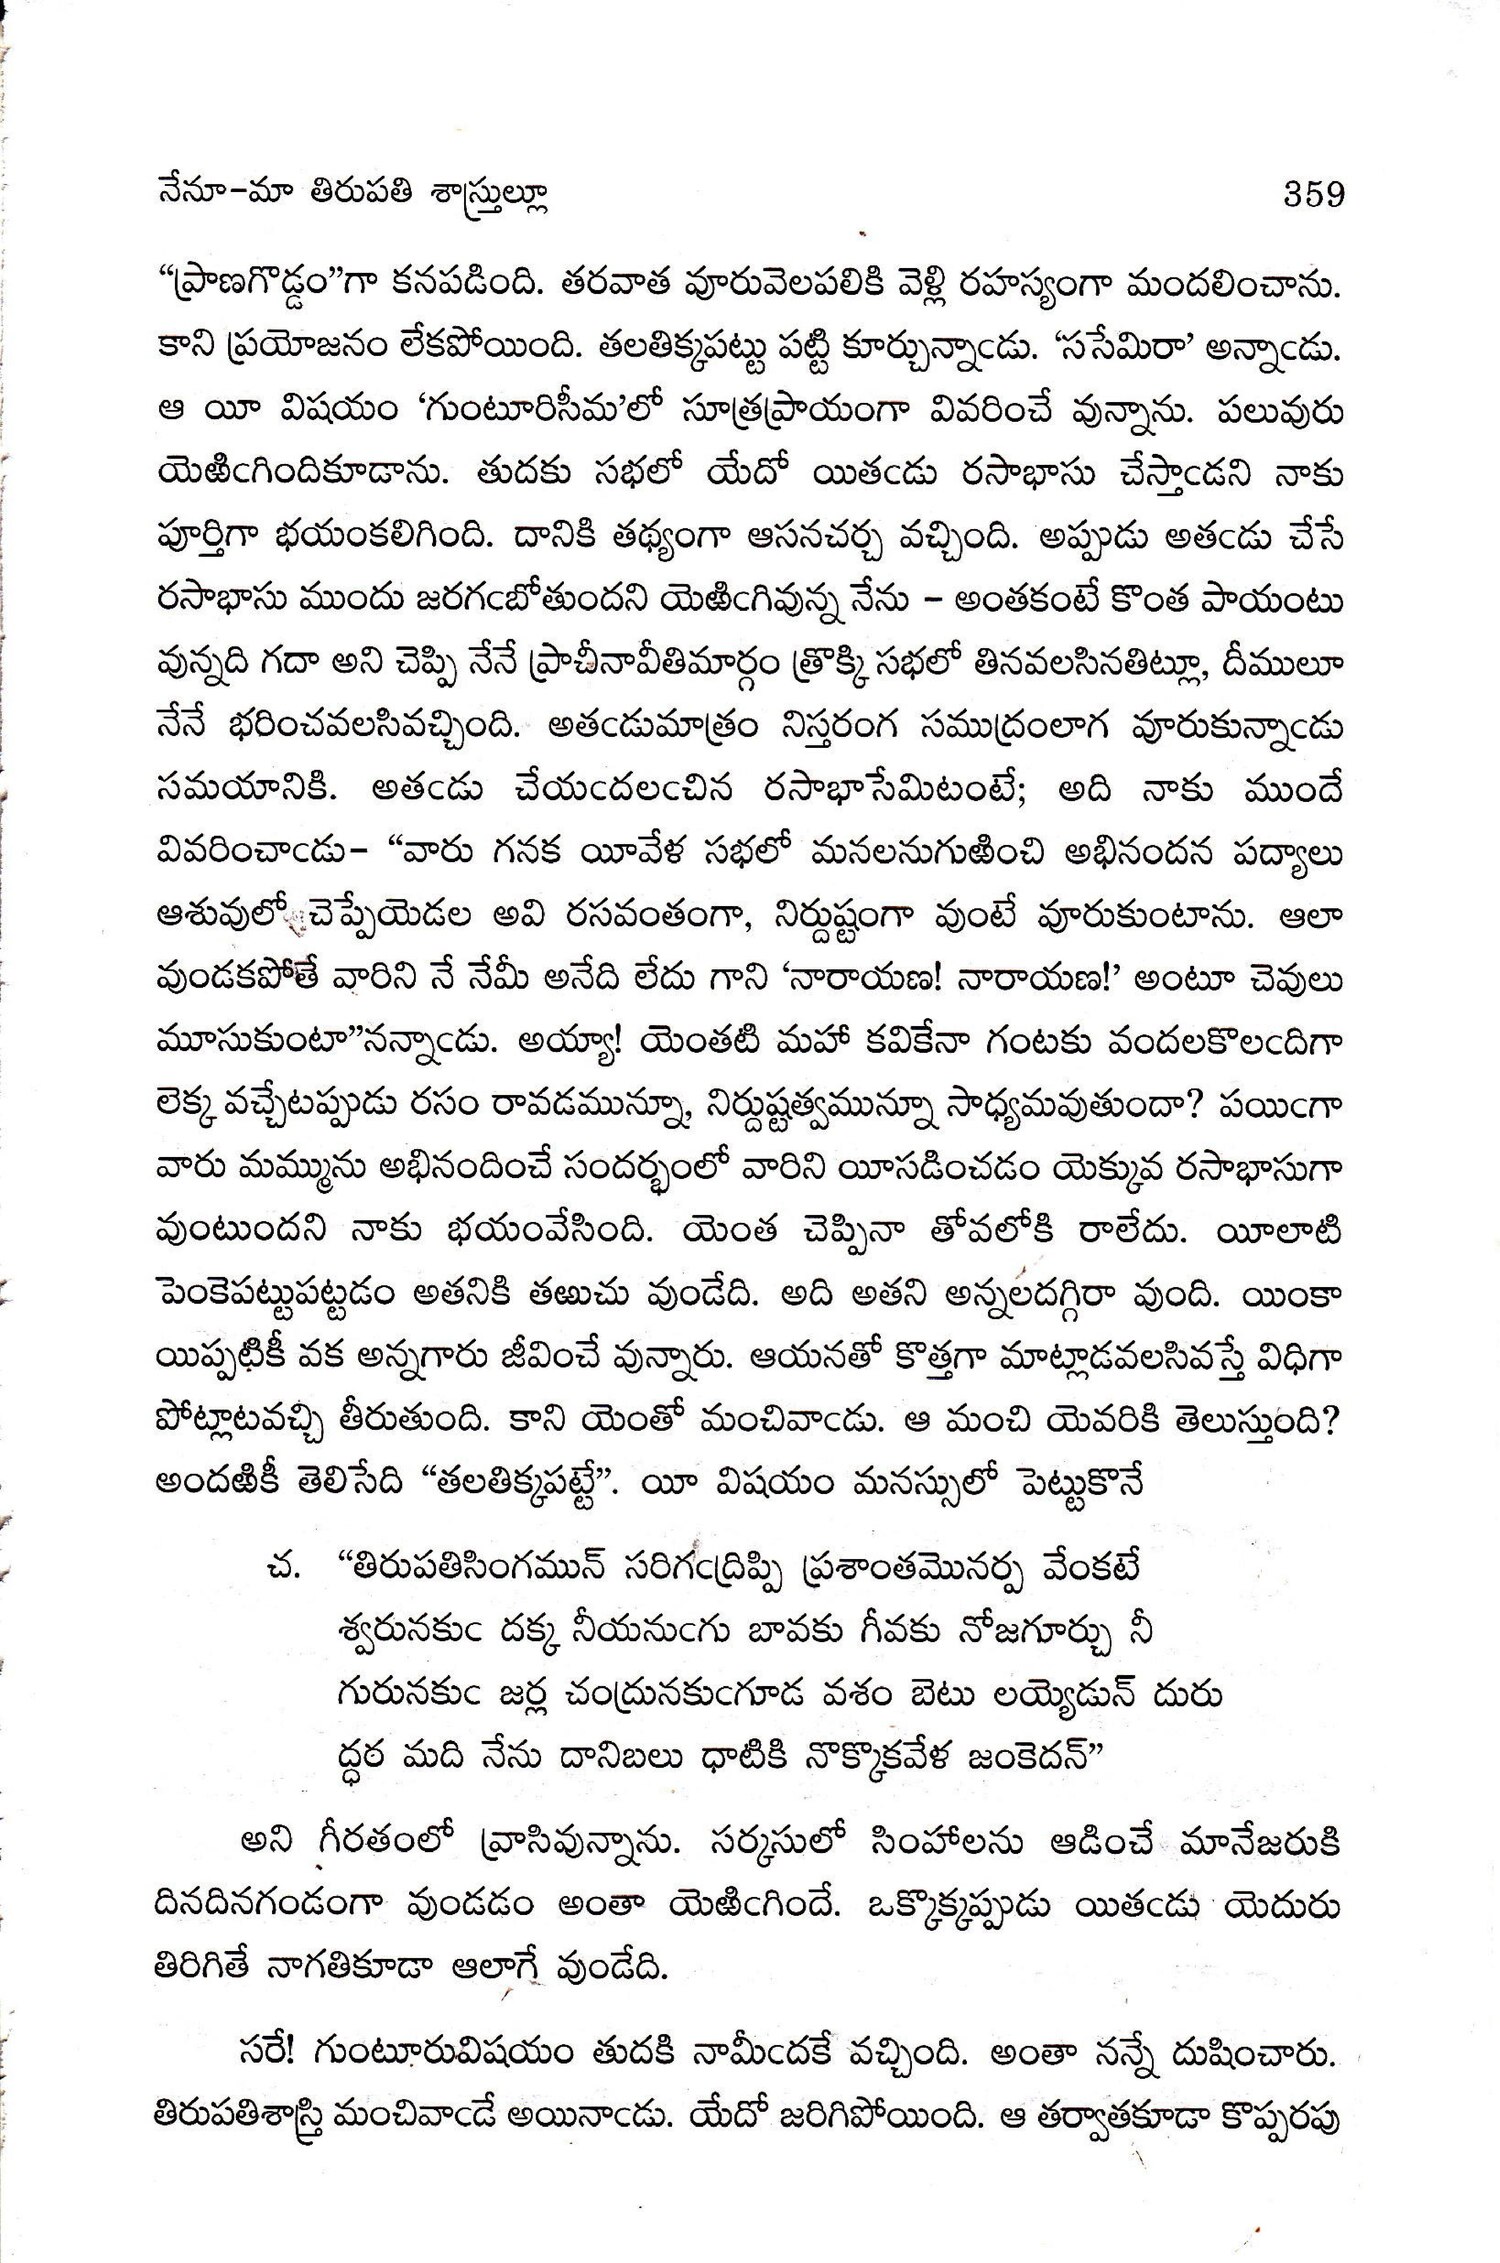“ప్రాణగొడ్డం"గా కనపడింది. తరవాత వూరువెలపలికి వెళ్లి రహస్యంగా మందలించాను. కాని ప్రయోజనం లేకపోయింది. తలతిక్కపట్టు పట్టి కూర్చున్నాఁడు. 'ససేమిరా’ అన్నాఁడు, ఆ యీ విషయం 'గుంటూరిసీమ'లో సూత్రప్రాయంగా వివరించే వున్నాను. పలువురు యెఱిఁగిందికూడాను. తుదకు సభలో యేదో యితఁడు రసాభాసు చేస్తాఁడని నాకు పూర్తిగా భయంకలిగింది. దానికి తథ్యంగా ఆసనచర్చ వచ్చింది. అప్పుడు అతఁడు చేసే రసాభాసు ముందు జరగఁబోతుందని యెఱిఁగివున్న నేను - అంతకంటే కొంత పాయంటు వున్నది గదా అని చెప్పి నేనే ప్రాచీనావీతిమార్గం త్రొక్కిసభలో తినవలసినతిట్లూ, దీములూ నేనే భరించవలసివచ్చింది. అతఁడుమాత్రం నిస్తరంగ సముద్రంలాగ వూరుకున్నాఁడు సమయానికి. అతఁడు చేయఁదలఁచిన రసాభాసేమిటంటే; అది నాకు ముందే వివరించాఁడు- "వారు గనక యీవేళ సభలో మనలనుగుఱించి అభినందన పద్యాలు ఆశువులో చెప్పేయెడల అవి రసవంతంగా, నిర్దుష్టంగా వుంటే వూరుకుంటాను. ఆలా వుండకపోతే వారిని నే నేమీ అనేది లేదు గాని నారాయణ! నారాయణ!’ అంటూ చెవులు మూసుకుంటా"నన్నాఁడు. అయ్యా! యెంతటి మహా కవికేనా గంటకు వందలకొలఁదిగా లెక్క వచ్చేటప్పుడు రసం రావడమున్నూ నిర్దుష్టత్వమున్నూ సాధ్యమవుతుందా? పయిఁగా వారు మమ్మును అభినందించే సందర్భంలో వారిని యీసడించడం యెక్కువ రసాభాసుగా వుంటుందని నాకు భయంవేసింది. యెంత చెప్పినా తోవలోకి రాలేదు. యీలాటి పెంకెపట్టుపట్టడం అతనికి తఱుచు వుండేది. అది అతని అన్నలదగ్గిరా వుంది. యింకా యిప్పటికీ వక అన్నగారు జీవించే వున్నారు. ఆయనతో కొత్తగా మాట్లాడవలసివస్తే విధిగా పోట్లాటవచ్చి తీరుతుంది. కాని యెంతో మంచివాఁడు. ఆ మంచి యెవరికి తెలుస్తుంది? అందఱికీ తెలిసేది “తలతిక్కపట్టే". యీ విషయం మనస్సులో పెట్టుకొనే

చ. "తిరుపతిసింగమున్ సరిగఁద్రిప్పి ప్రశాంతమొనర్ప వేంకటే
 శ్వరునకుఁ దక్క నీయనుఁగు బావకు గీవకు నోజగూర్చు నీ 
 గురునకుఁ జర్ల చంద్రునకుఁగూడ వశం బెటు లయ్యెడున్ దురు 
 ద్ధర మది నేను దానిబలు ధాటికి నొక్కొకవేళ జంకెదన్"
అని గీరతంలో వ్రాసివున్నాను. సర్కసులో సింహాలను ఆడించే మానేజరుకి దినదినగండంగా వుండడం అంతా యెఱిఁగిందే. ఒక్కొక్కప్పుడు యితఁడు యెదురు తిరిగితే నాగతికూడా ఆలాగే వుండేది.

సరే! గుంటూరువిషయం తుదకి నామీఁదకే వచ్చింది. అంతా నన్నే దూషించారు. తిరుపతిశాస్త్రి మంచివాఁడే అయినాఁడు. యేదో జరిగిపోయింది. ఆ తర్వాతకూడా కొప్పరపు